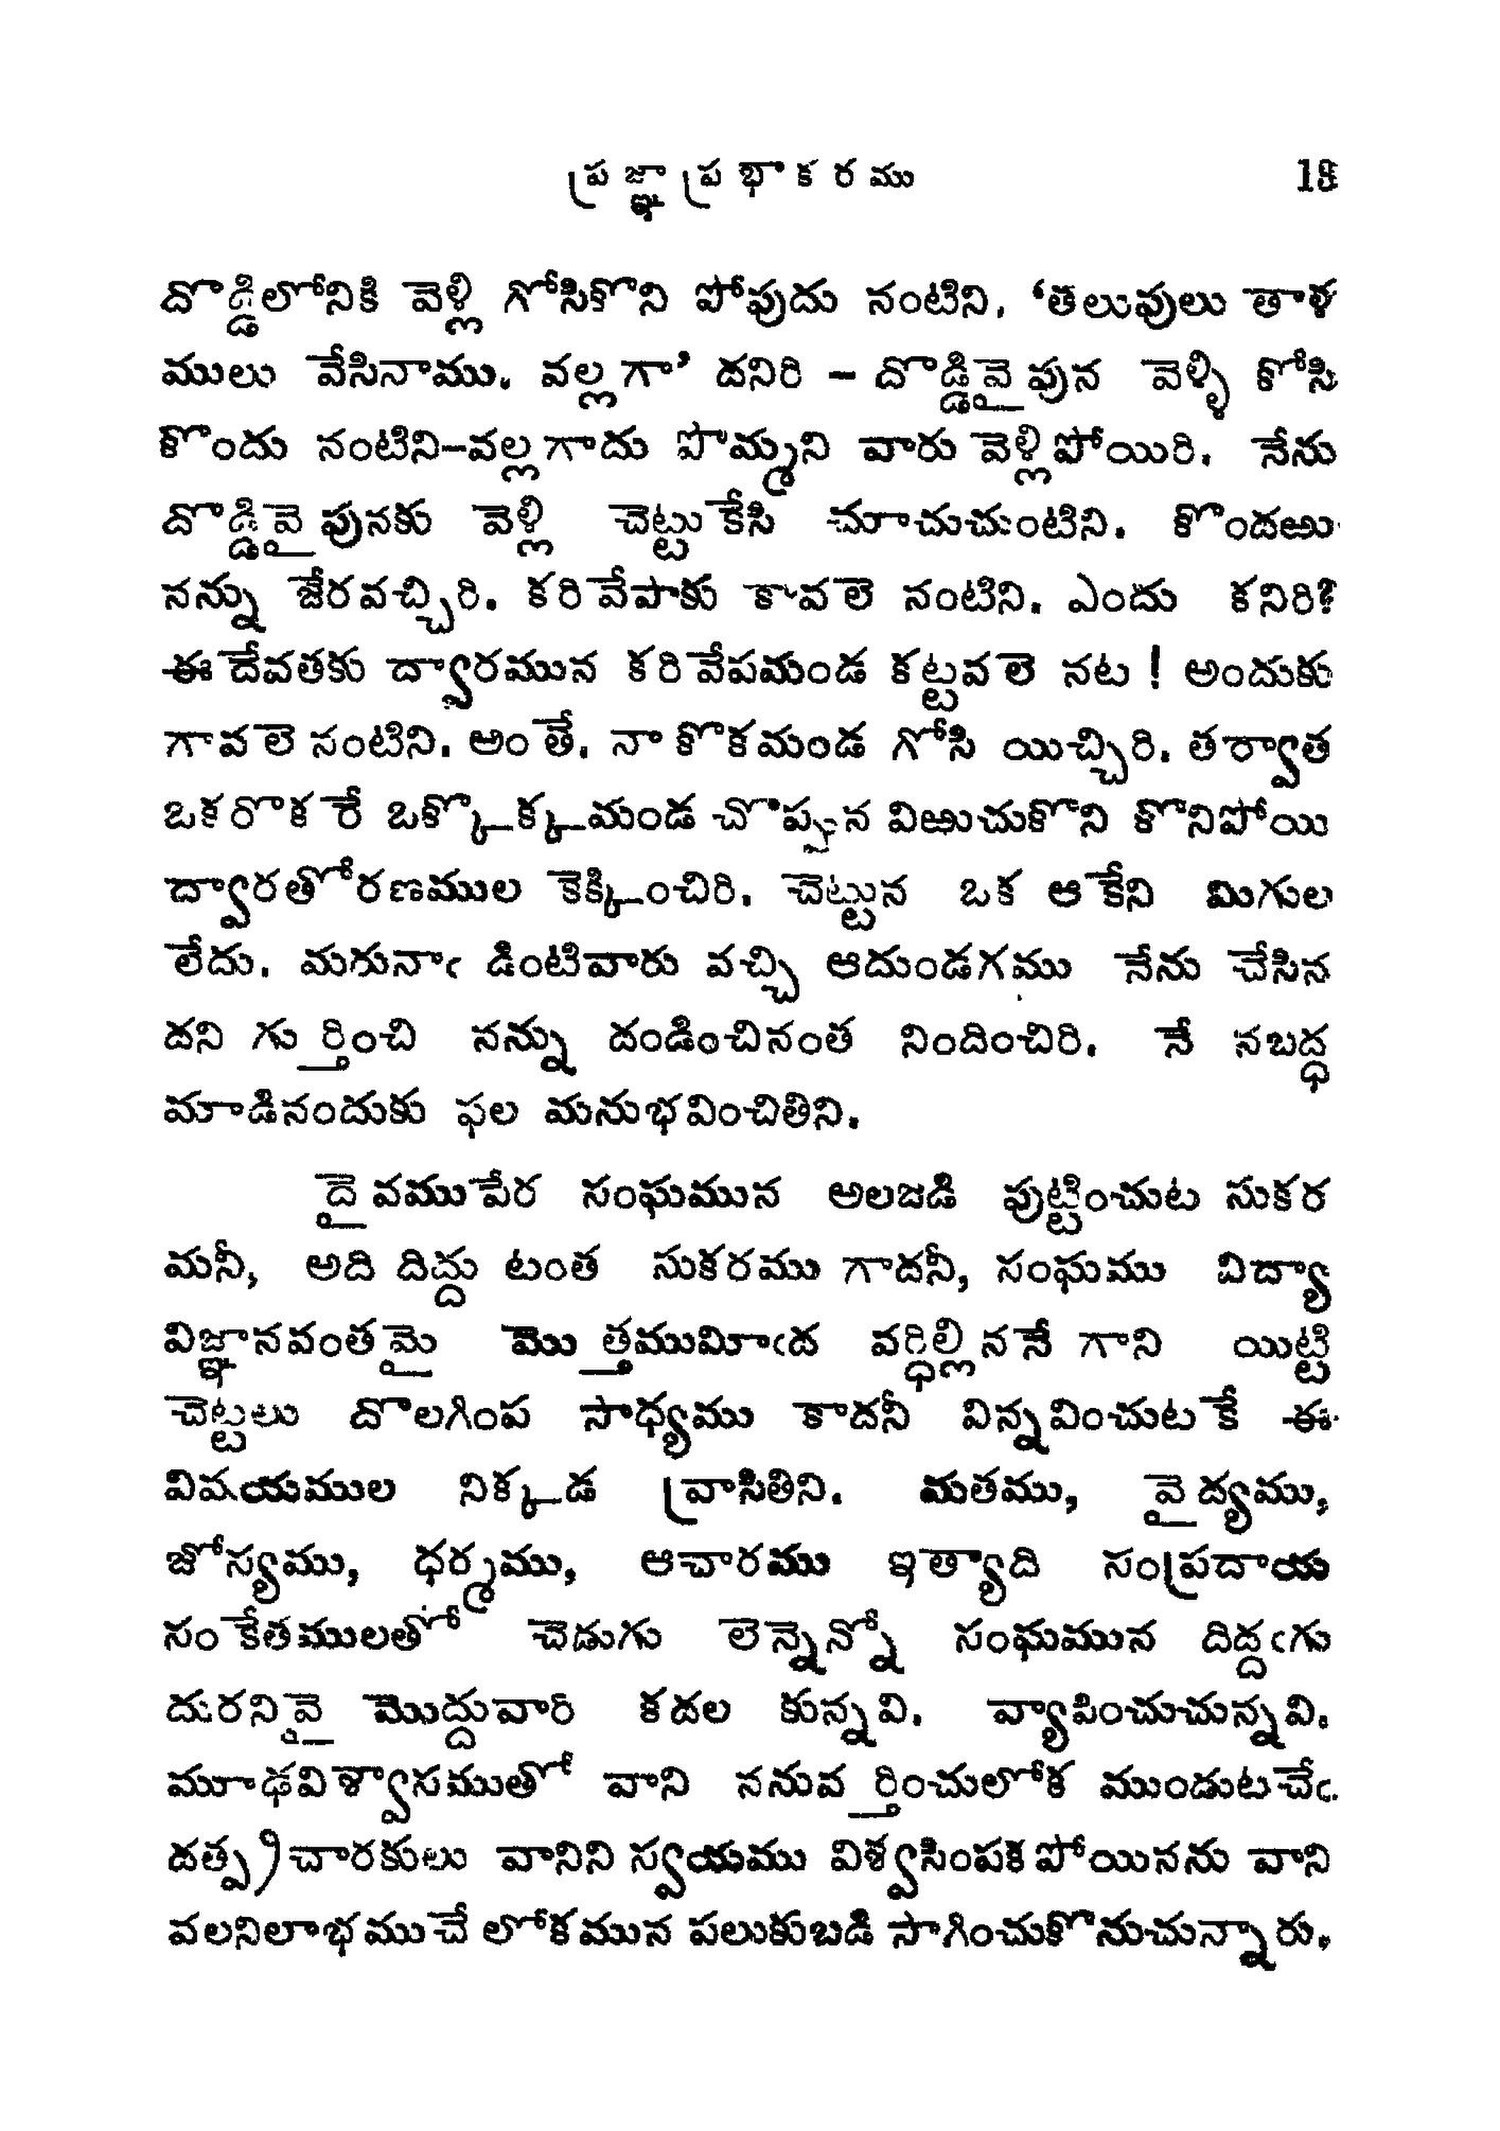దొడ్డిలోనికి వెళ్ళి గోసికొని పోవుదు నంటిని.' తలుపులు తాళములు వేసినాము.వల్లగా'దనిరి - దొడ్డివైపున వెళ్ళి కోసి కొందు నంటిని. వల్ల గాదు పొమ్మని వారు వెళ్ళిపోయిరి. నేను దొడ్డివైపునకు వెళ్ళి చెట్టు కేసి చూచుచుంటిని. కొందఱు నన్ను జేర వచ్చిరి. కరివేపాకు కావలె నంటిని. ఎందుకు కనిరి? ఈ దేవతకు ద్వారమున కరివేపమండ కట్టవలె నట! అందుకు గావలెనంటిని. అంతే నాకొక మండ గోసి యిచ్చిరి. తర్వాత ఒకరొక రే ఒక్కొక్క మండ చొప్పున విఱుచుకొనిపోయి ద్వారతోరణముల కెక్కించిరి. చెట్టున ఒక ఆ కేని మిగుల లేదు. మరునాఁడింటి వారు వచ్చి ఆ దుండగము నేను చేసిన దని గుర్తించి నన్ను దండించినంత నిందించిరి. నే నబద్ధ మాదినందుకు ఫల మనుభవించితిని.
 
దైవముపేర సంఘమున అలజడి పుట్టించుట సుకరమనీ, అది దిద్దు టంత సుకరము గాదనీ. సంఘము విద్యా విజ్ఞానవంతమై మొత్తముమిఁద వర్దిల్లిననే గాని యిట్టి చేట్టలు దోలగింప సాధ్యముకాదనీ విన్నవించుటకే ఈ విషయముల నిక్కడ వ్రాసితిని. మతము, వైద్యము, జోస్యము, ధర్మము, ఆచారము ఇత్యాది సంప్రదాయ సంకేతములతో చెడుగు లేన్నెన్నో సంఘమున దిద్దఁ గుడురనివై మొద్దువారి కదల కున్నవి. వ్యాపించుచున్నవి. మూఢవిశ్వాసముతో వాని ననువర్తించులోక ముండ ట చేఁదత్ప్రు చారకులు వానిని స్వయము విశ్వసింపకపోయినను వాని వలని లాభముచే లోకముచే పలుకుబడి సాగించుకొను చున్నారు.